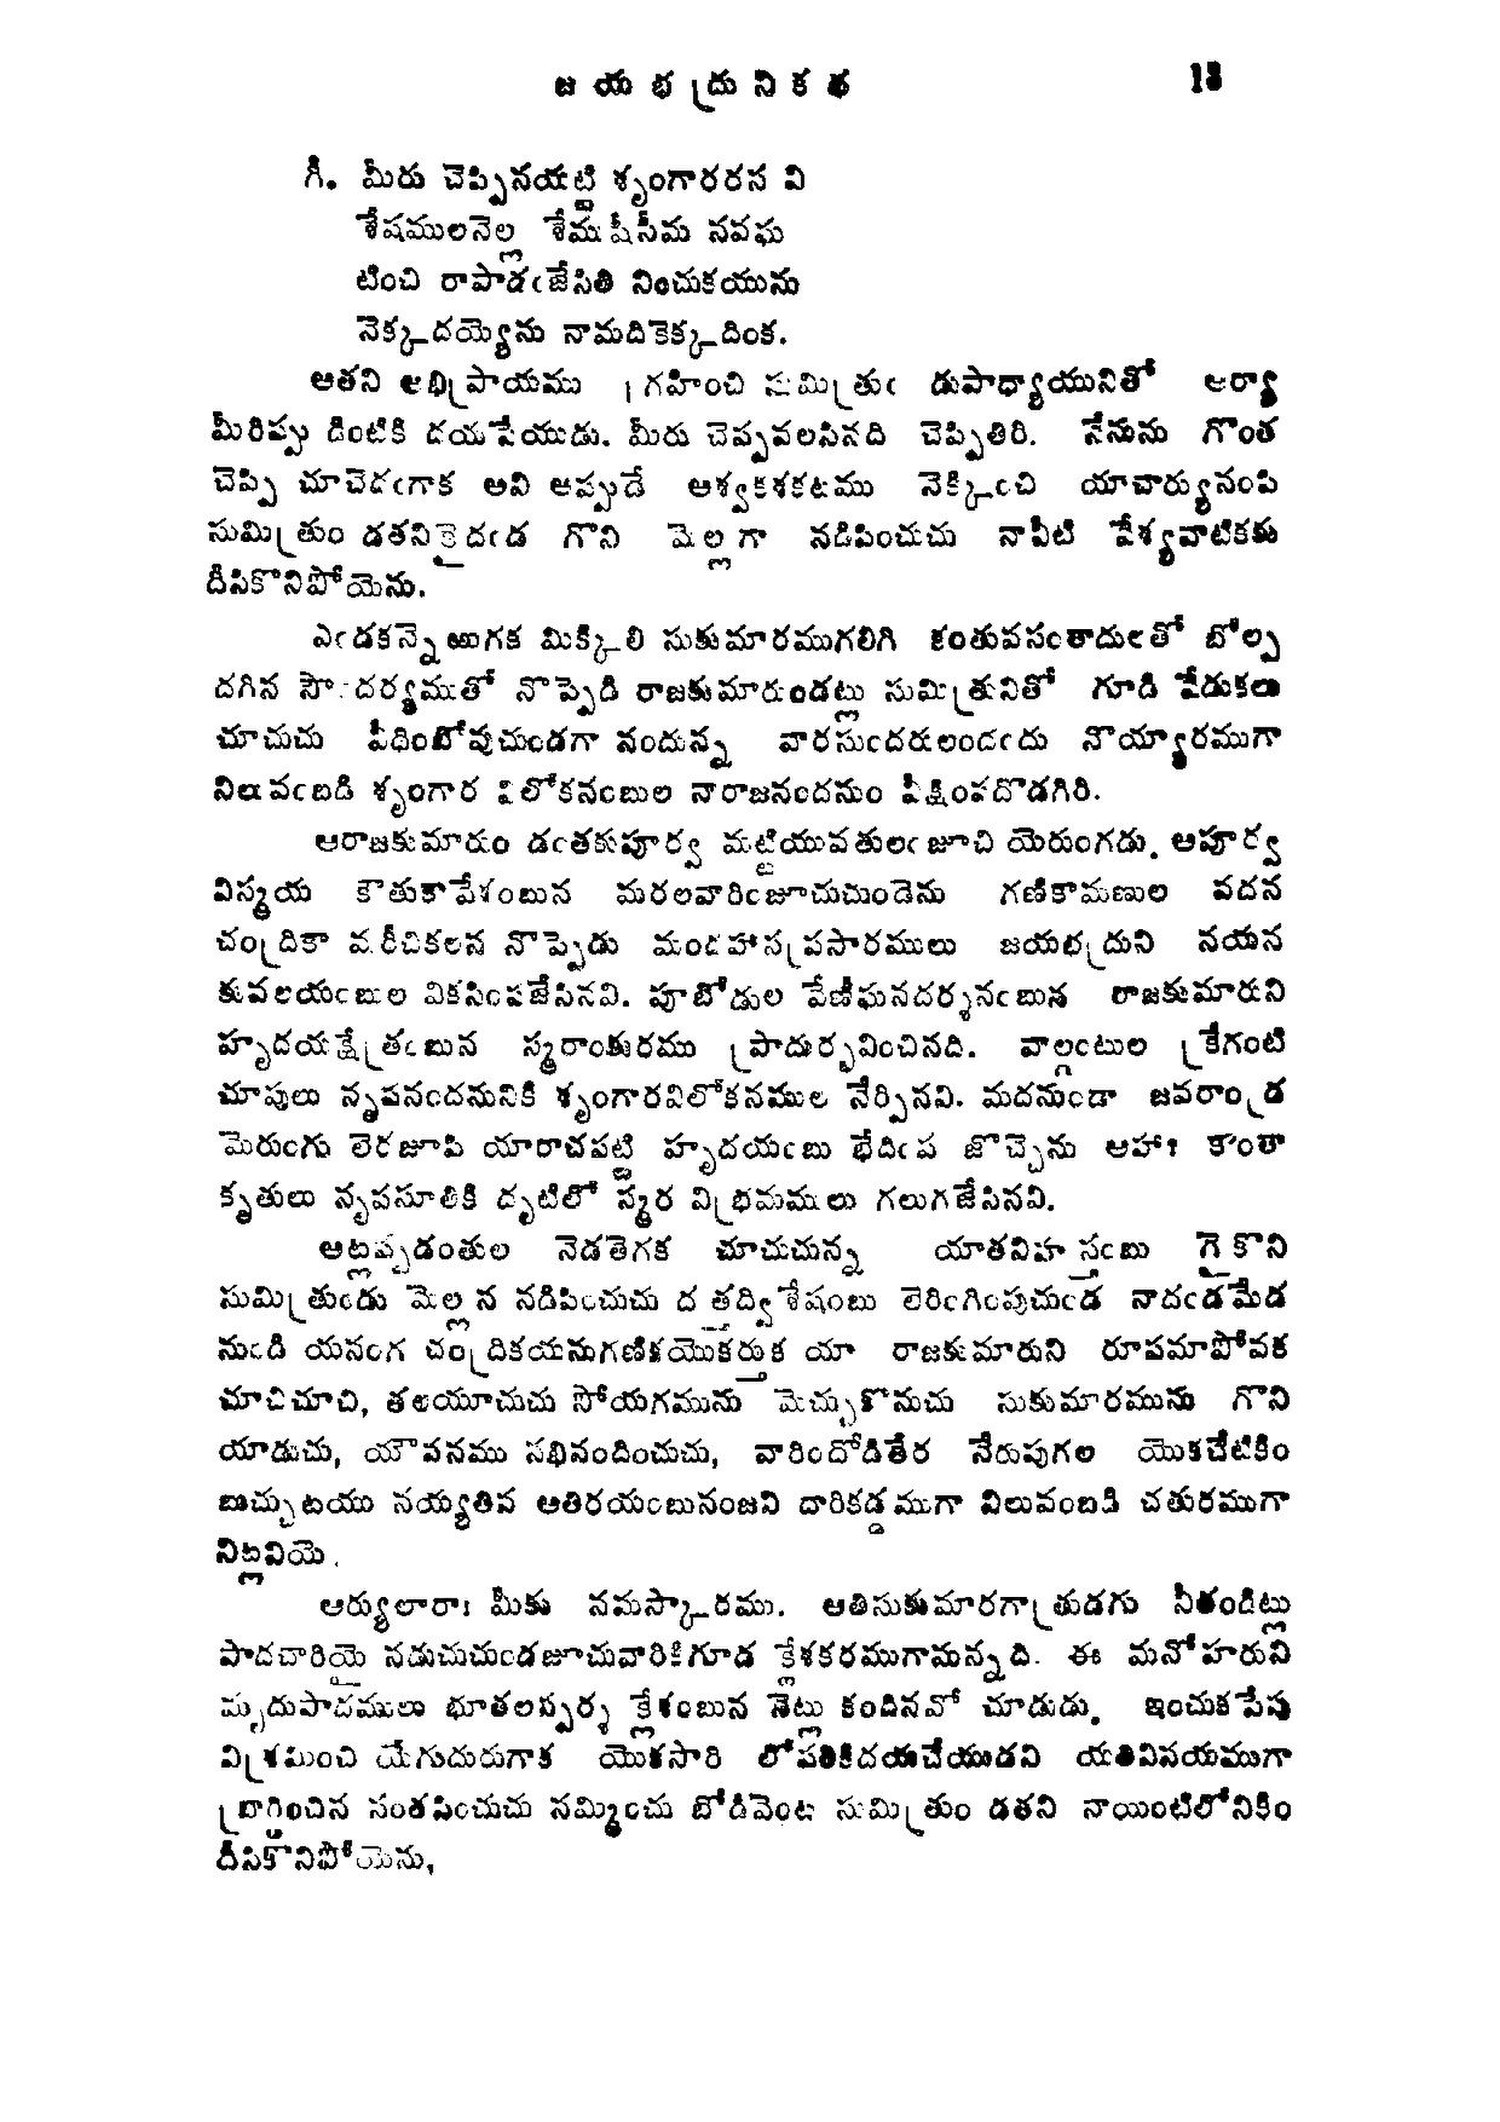గీ. మీరు చెప్పినయట్టి శృంగారరస వి
 శేషములనెల్ల శేముషీసీమ నవఘ
 టించి రాపాడఁజేసితి నించుకయును
 నెక్కదయ్యెను నామది కెక్కదింక.
ఆతని అభిప్రాయము గ్రహించి సుమిత్రుఁ డుపాధ్యాయునితో ఆర్యా మీరిప్పు డింటికి దయసేయుడు. మీరు చెప్పవలసినది చెప్పితిరి. నేనును గొంత చెప్పి చూచెదఁగాక అని అప్పుడే అశ్వకశకటము నెక్కించి యాచార్యునంపి సుమిత్రుం డతనికైదండ గొని మెల్లగా నడిపించుచు నావీటి వేశ్యవాటికకు దీసికొనిపోయెను.

ఎండకన్నెఱుగక మిక్కిలి సుకుమారముగలిగి కంతువసంతాదులతో బోల్పదగిన సౌందర్యముతో నొప్పెడి రాజకుమారుండట్లు సుమిత్రునితో గూడి వేడుకలు చూచుచు వీథింబోవుచుండగా నందున్న వారసుందరులందందు నొయ్యారముగా నిలువఁబడి శృంగారవిలోకనంబుల నారాజనందనుం వీక్షింపదొడగిరి.

ఆరాజకుమారుం డంతకుపూర్వ మట్టియువతులఁ జూచి యెరుంగడు. అపూర్వవిస్మయకౌతుకావేశంబున మరల వారిఁజూచుచుండెను గణికామణుల వదనచంద్రికామరీచికలన నొప్పెడు మందహాసప్రసారములు జయభద్రుని నయన కువలయంబుల వికసింపజేసినవి. పూబోడుల వేణీఘనదర్శనంబున రాజకుమారుని హృదయక్షేత్రంబున స్మరాంకురము ప్రాదుర్భవించినది. వాల్గంటుల క్రేగంటి చూపులు నృపనందనునికి శృంగారవిలోకనముల నేర్పినవి. మదనుండా జవరాండ్ర మెరుంగు లెరజూపి యారాచపట్టి హృదయంబు భేదింప జొచ్చెను ఆహా! కాంతాకృతులు నృపసూతికి దృటిలో స్మరవిభ్రమములు గలుగజేసినవి.

అట్లప్పడంతుల నెడతెగక చూచుచున్న యాతనిహస్తంబు గైకొని సుమిత్రుండు మెల్లన నడిపించుచు దత్తద్విశేషంబు లెరింగింపుచుండ నాదండమేడ నుండి యనంగచంద్రిక యనుగణికయొకర్తుక యా రాజకుమారుని రూప మాపోవక చూచిచూచి, తలయూచుచు సోయగమును మెచ్చుకొనుచు సుకుమారమును గొనియాడుచు, యౌవనము నభినందించుచు, వారిందోడితేర నేరుపుగల యొకచేటికిం
బుచ్చుటయు నయ్యతివ అతిరయంబునం జని దారికడ్డముగా నిలువంబడి చతురముగా నిట్లనియె.

ఆర్యులారా! మీకు నమస్కారము. అతిసుకుమారగాత్రుడగు నీతం డిట్లు పాదచారియై నడుచుచుండ జూచువారికిగూడ క్లేశకరముగానున్నది. ఈ మనోహరుని మృదుపాదములు భూతలస్పర్శక్లేశంబున నెట్లు కందినవో చూడుడు. ఇంచుకసేపు విశ్రమించి యేగుదురుగాక యొకసారి లోపలికిదయచేయుడని యతివినయముగా బ్రార్థించిన సంతసించుచు నమ్మించుబోడివెంట సుమిత్రుం డతని నాయింటిలోనికిం
దీసికొనిపోయెను.